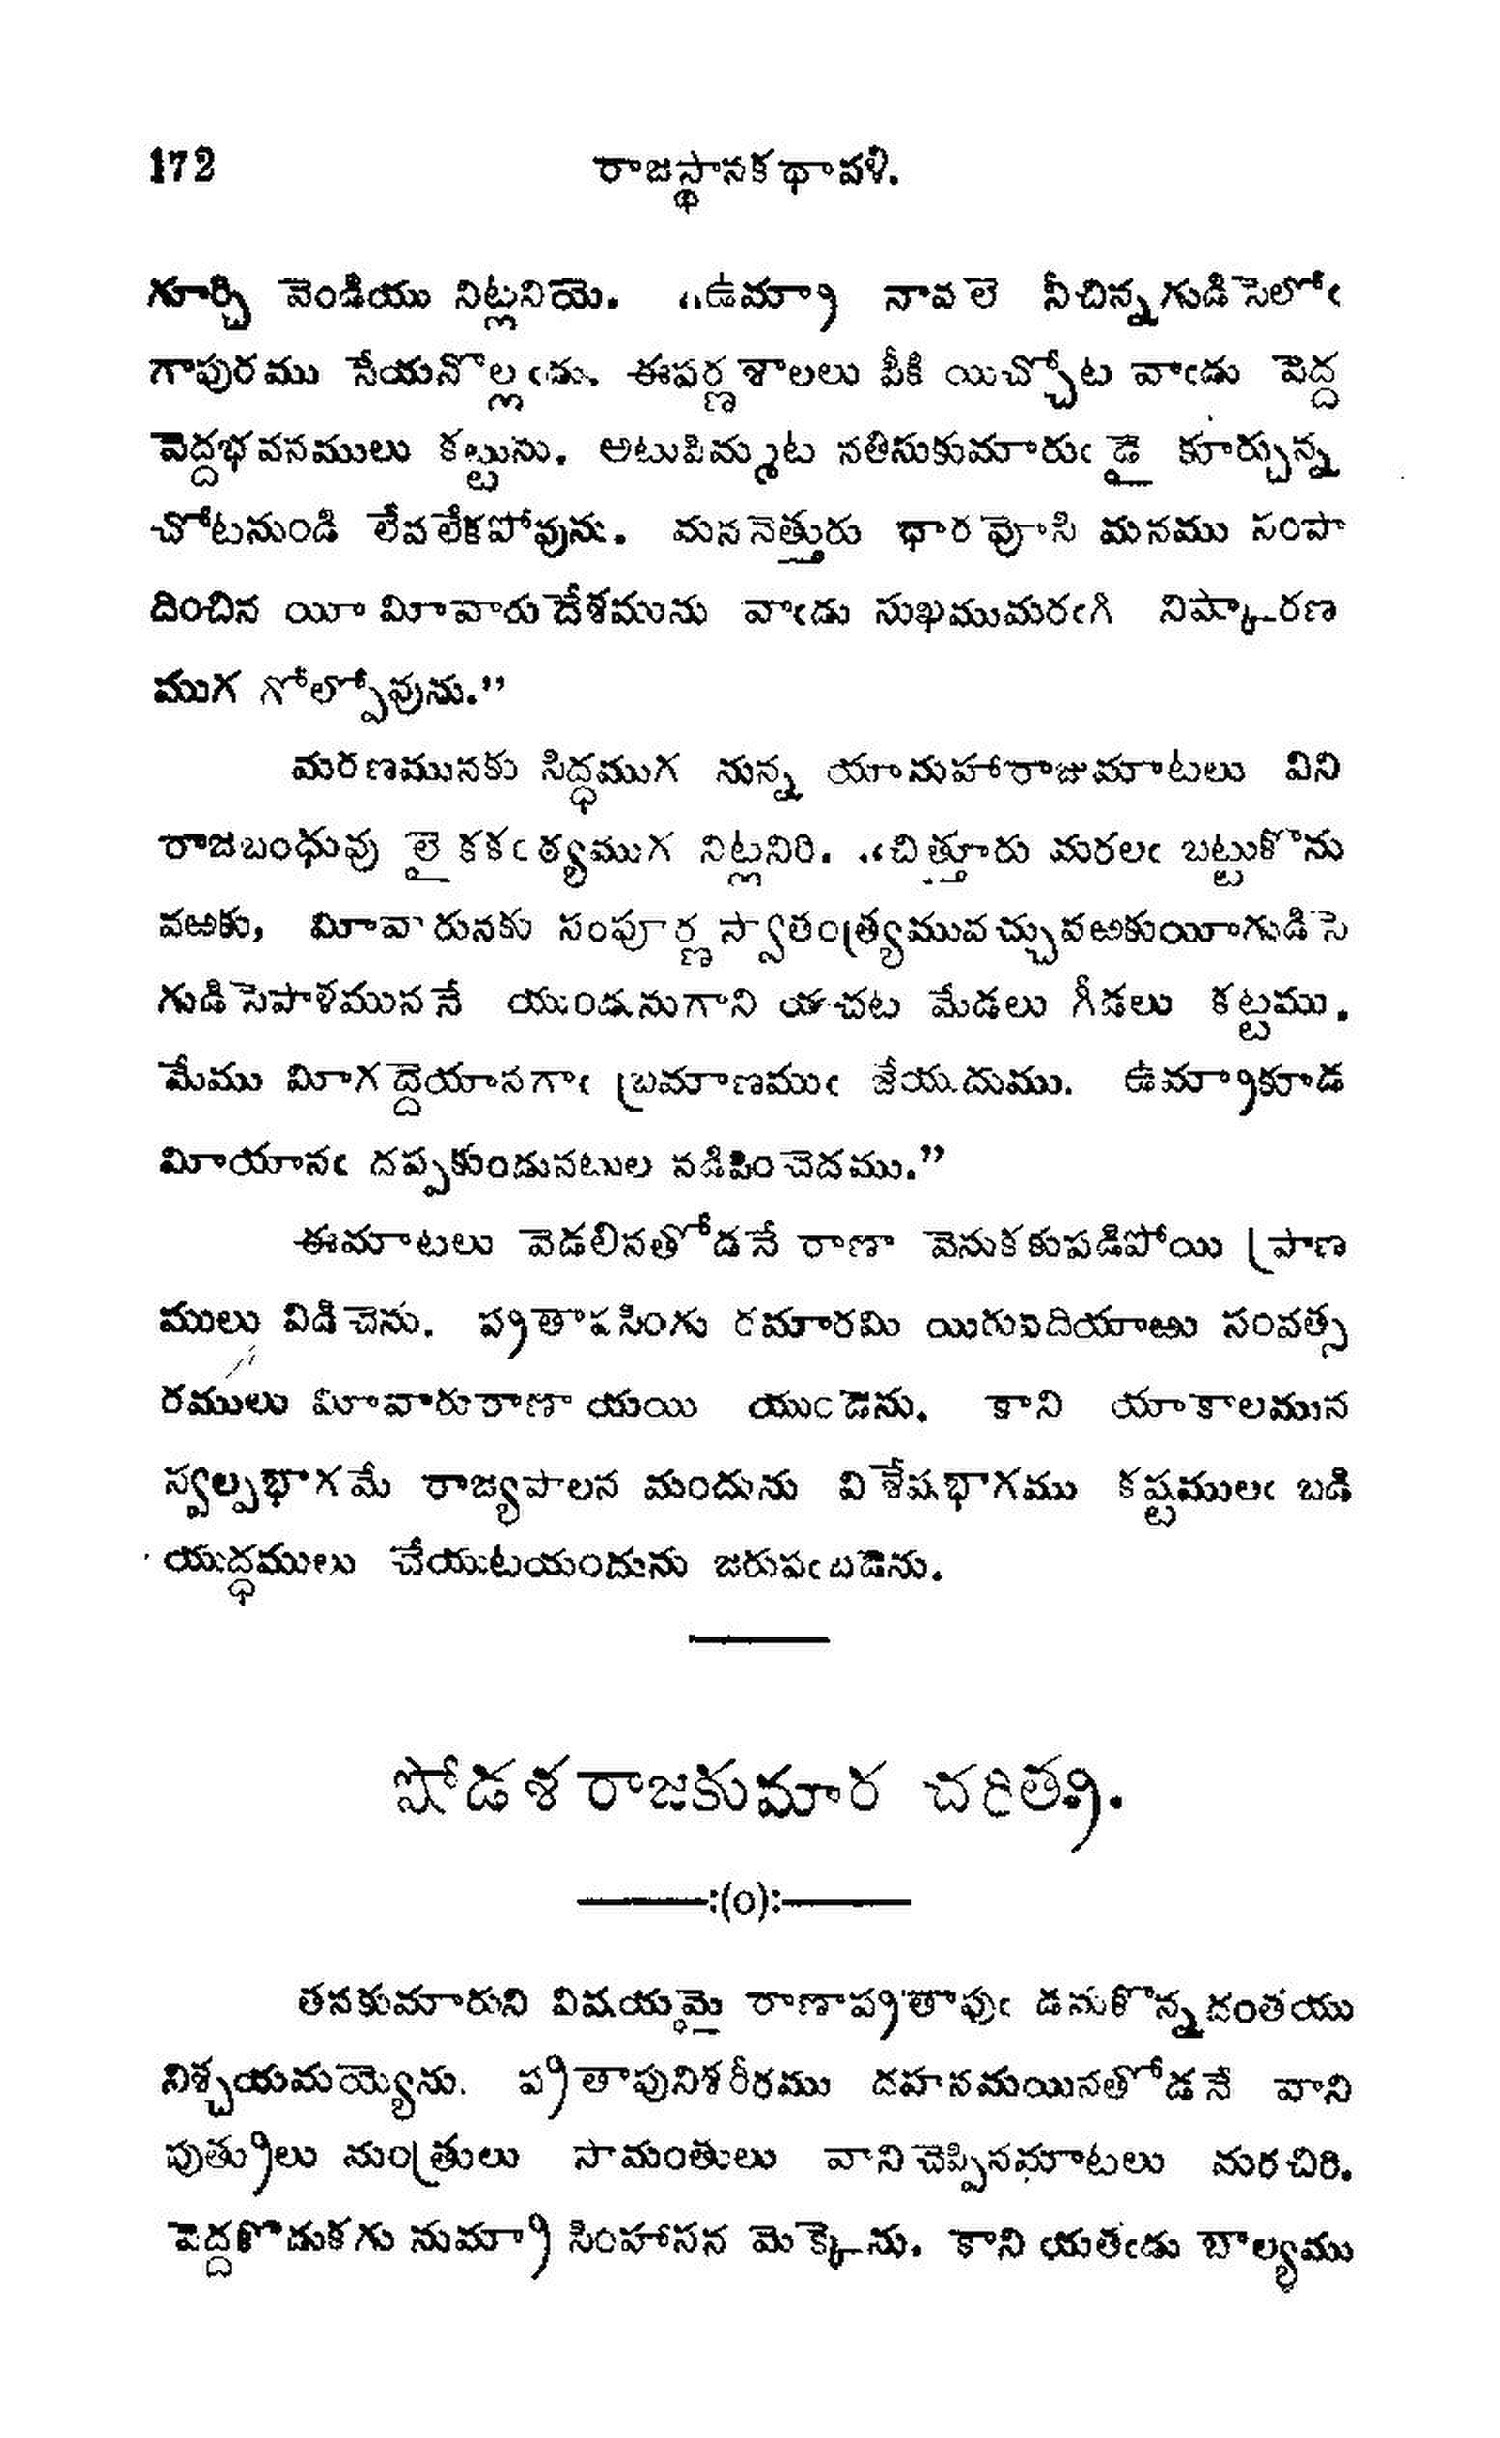గూర్చి వెండియు నిట్లనియె. "ఉమ్రా నావలే నీ చిన్న గుడిసెలోఁ గాపురము సేయనొల్లఁడు, ఈపర్ణశాలలు పీకి యిచ్చోట వాఁడు పెద్ద
పెద్దభవనములు కట్టును. అటుపిమ్మట నతిసుకుమారుఁడై కూర్చున్న చోటనుండి లేవ లేకపోవును. మన నెత్తురు ధార వోసి మనము సంపాదించిన యీ మీవారు దేశమును వాడు సుఖముమరఁగి నిష్కారణముగ గోల్పోవును.”

మరణమునకు సిద్ధముగ నున్న యామహా రాజుమాటలు విని రాజబంధువు లైక కంఠ్యముగ నిట్లనిరి. "చిత్తూరు మరలఁ బట్టుకొను వఱకు, మీవారునకు సంపూర్ణ స్వాతంత్ర్యమువ చ్చువఱకు యీగుడిసె గుడిసెపాళముననే యుండునుగాని యచట మేడలు గీడలు కట్టము,
మేము మీగద్దెయానగాఁ బ్రమాణముఁ జేయుదుము. ఉమ్రా కూడ మీయానఁ దప్పకుండునటుల నడిపించెదము.”

ఈమాటలు వెడలినతోడనే రాణా వెనుకకుపడిపోయి ప్రాణములు విడిచెను. ప్రతాపసింగు రమారమి యిరువదియాఱు సంవత్సరములు మీవారురాణా యయి యుండెను. కాని యా కాలమున స్వల్పభాగమే రాజ్యపాలన మందును విశేష భాగము కష్టములఁ బడి యుద్ధములు చేయుటయందును జరుపఁ బడెను.

తనకుమారుని విషయమై రాణాప్రతాపుఁ డనుకొన్న దంతయు నిశ్చయమయ్యెను. ప్రతాపునిశరీరము దహనమయినతోడనే వాని పుత్రులు మంత్రులు సామంతులు వాని చెప్పిన మాటలు మరచిరి. పెద్దకొడుకగు నుమ్రా సింహాసన మెక్కెను. కాని యతఁడు బాల్యము